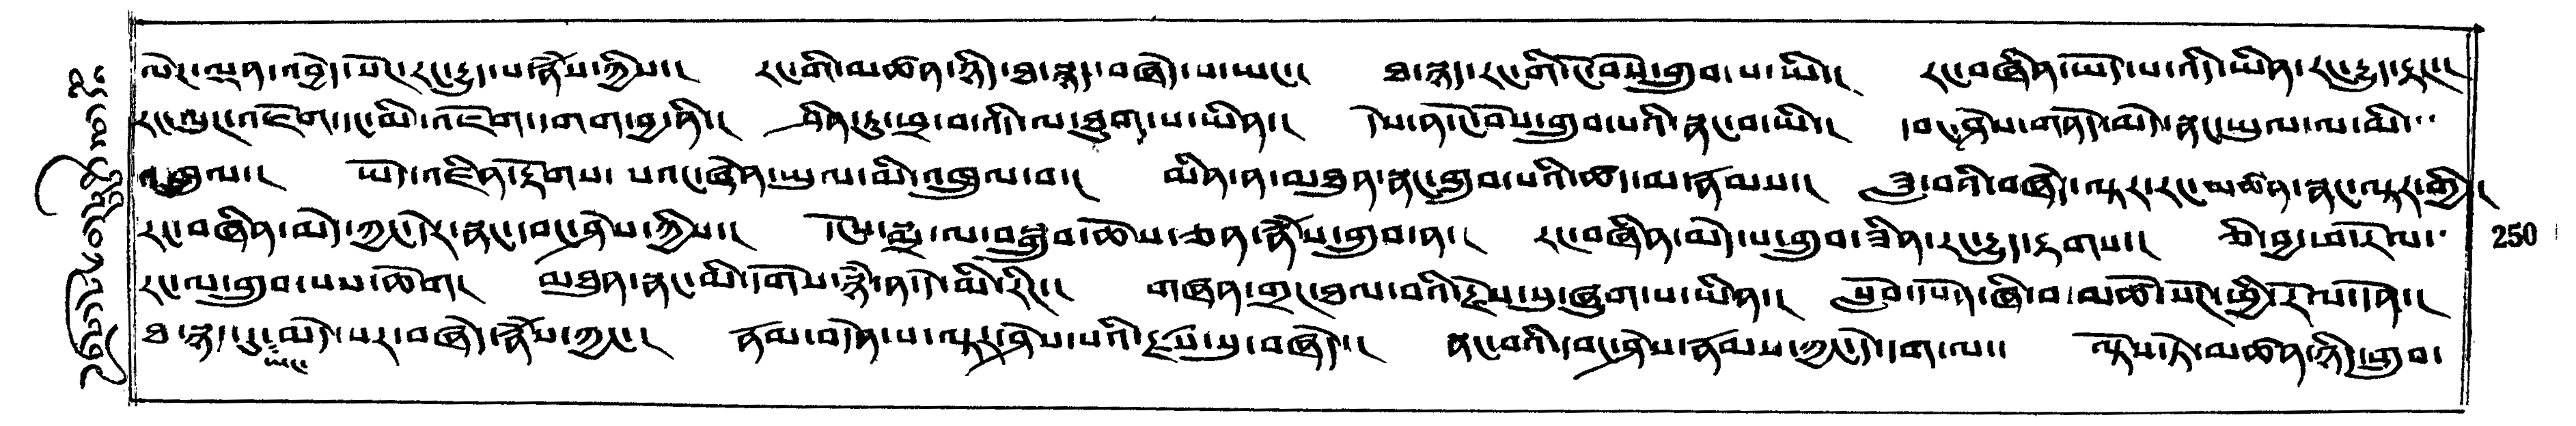ལེགས་ལྡན་འབྱེད་སོགས་རང་རྒྱུད་པ་རྣམས་ཀྱིས། །རང་གི་མཚན་ཉིད་ཐ་སྙད་བཞེད་པ་ཡང་། །ཐ་སྙད་རང་གི་ངོ་བོས་གྲུབ་པ་ཡི། །རང་བཞིན་ཡོད་པ་འདི་ཡིན་རང་རྒྱུད་རྟགས། །
རང་ལུགས་འཇོག་དང་མི་འཇོག་དགག་བྱ་ནི། །ཤིན་ཏུ་ཕྲ་བ་འདི་ལ་ཐུག་པ་ཡིན། །དེས་ན་ངོ་བོས་གྲུབ་པའི་སྣང་བ་ཡི། །དབང་ཤེས་གནོད་མེད་སྣང་ཡུལ་ལ་མི་
འཁྲུལ། །ཡོད་འཛིན་རྟོག་པའང་ཞེན་ཡུལ་མི་འཁྲུལ་བ། །མིན་ན་མཐུན་སྣང་གྲུབ་པའི་ཚད་མ་རྣམས། །ཟླ་བའི་བཞེད་ལྟར་རང་མཚན་སྣང་ལྟར་གྱི། །
རང་བཞིན་མེད་ཀྱང་དེར་སྣང་དབང་ཤེས་ཀྱིས། །དངོས་སྨྲ་ལ་བསྒྲུབ་ཆོས་ཅན་རྣམས་གྲུབ་ན། །རང་བཞིན་མེད་པ་གྲུབ་ཟིན་རང་རྒྱུད་རྟགས། །ཅི་བྱ་ཕ་རོལ་
རང་ལ་གྲུབ་པས་ཆོག །མཐུན་སྣང་མི་དགོས་སྙམ་ན་དེ་མི་རིགས། །གཞན་གྲགས་ཐལ་བའི་རྗེས་སུ་ཞུགས་པ་ཡིན། །སློབ་དཔོན་ཞི་བ་འཚོ་སོགས་ཕྱི་རོལ་དོན། །
ཐ་སྙད་དུ་ཡང་མེད་པར་བཞེད་རྣམས་ཀྱང་། །རྣམ་བདེན་པ་ལྟར་ཤེས་པའི་རྫས་སུ་བཞེད། །སྣང་བའི་དབང་ཤེས་རྣམས་ཀྱང་དེ་དག་ལ། །ལྟོས་ཏེ་མཚན་ཉིད་གྲུབ་